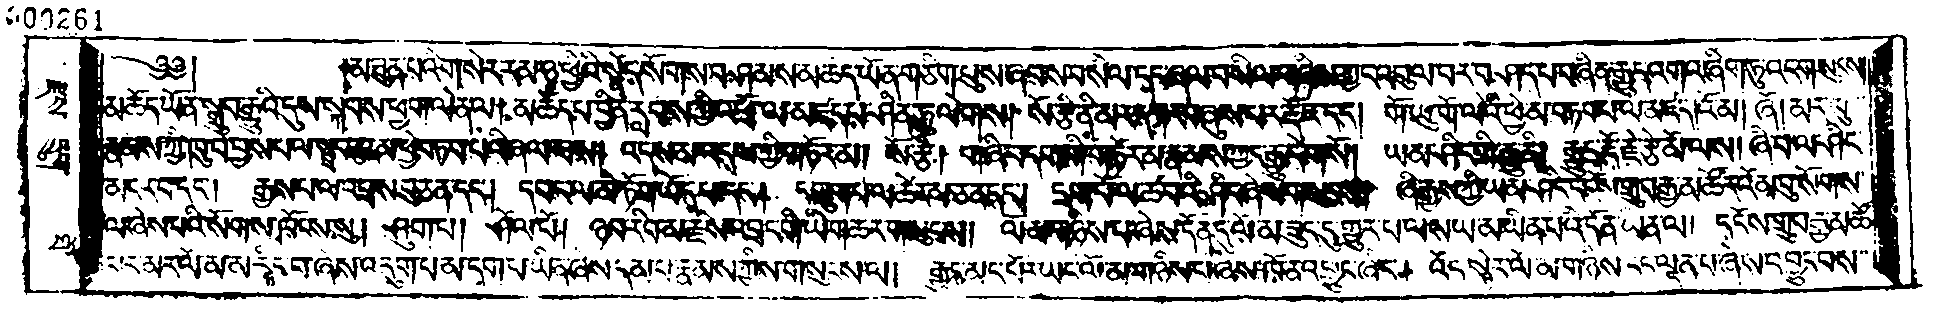༄༅། །མཐུན་པའི་གསེར་རམ་ཉ་ཕྱིའི་སྣོད་སོགས་བཤམས་མཆོད་ཡོན་གཅིག་པུས་ཞབས་བསིལ་དང་ཞལ་བསིལ་གཉིས་ཀྱང་འབུལ་བར་བཤད་པ་བཞིན་རྒྱུད་འགའ་ཞིག་ཏུ་འང་གསུངས།
མཆོད་ཡོན་སྒྲུབ་རྒྱུའི་དུས་སྐབས་ཕྱག་ལེན་ལ། མཆོད་པ་བྱིན་རླབས་ཀྱི་འཕྲོ་ལ་མཛད་པ་ཤིན་ཏུ་ལེགས། སོ་རྩི་ནི་མར་དཀར་བཞུས་པར་རྡོ་ཇ་དང་། གོ་ཡུ་གོ་ལེའི་ཕྱེ་མ་བཏབ་པ་ལ་མཛད། འོ་མ། ཞོ། མར་ཁུ་
རྣམས་ཀྱི་ཁུ་བ་བྱས་པ་ལ་སྦྲང་བུ་རམ་ཕྱེ་བཏབ་པའི་ཞལ་ཟས། འདས་མ་འདས་ཀྱི་གཏོར་མ། སོ་རྩི། གཞི་བདག་གི་གཏོར་མ་རྣམས་ཀྱང་རྒྱུ་དེ་གསོ། ཡམ་ཤིང་གི་རྒྱུ་ནི། རྒྱུད་རྡོ་རྗེ་རྩེ་མོ་ལས། ཞི་བ་ལ་ཤིང་
མངར་བ་དང་། རྒྱས་པ་ལ་འབྲས་བུ་ཅན་དང་། དབང་ལ་མེ་ཏོག་ཡོད་པ་དང་། དགུག་པ་ལ་ཚེར་མ་ཅན་དང་། དྲག་པོ་ལ་ཚ་བའི་ཤིང་ཞེས་གསུངས། ཞི་རྒྱས་ཀྱི་ཡམ་ཤིང་དངོས་གྲུབ་རྒྱ་མཚོར་འོ་མ་བུ་སོགས་
ལ་ཞེས་པའི་སོགས་ཁོངས་སུ། ཤུག་པ། ཤོལ་པོ། ཉབ་རིབ་མ་རྗེས་འབྲང་གི་ཡིག་ཆར་གསུངས། ལོ་མ་གཉིས་པ་ཞེས་དོན་དུ་ལོ་མ་ཟུང་དུ་གྱུར་བ་ལས་ཡ་མ་ཡིན་པའི་དོན་ཡིན་ལ། དངོས་གྲུབ་རྒྱ་མཚོ་
ཕར་མར་ལོ་མ་མ་རྙིང་བ་ཞེས་འདུག་པ་མ་དག་པ་ཡིན་ཞེས་དམ་པ་རྣམས་ཀྱིས་གསུངས་ལ། རྒྱུད་མང་པོར་ཡང་ལོ་མ་གཉིས་པ་ཞེས་ཁོ་ན་འབྱུང་ཞིང་། འོད་སྙེར་ལོ་མ་གཉིས་དང་ལྡན་པ་ཞེས་འབྱུང་བས་